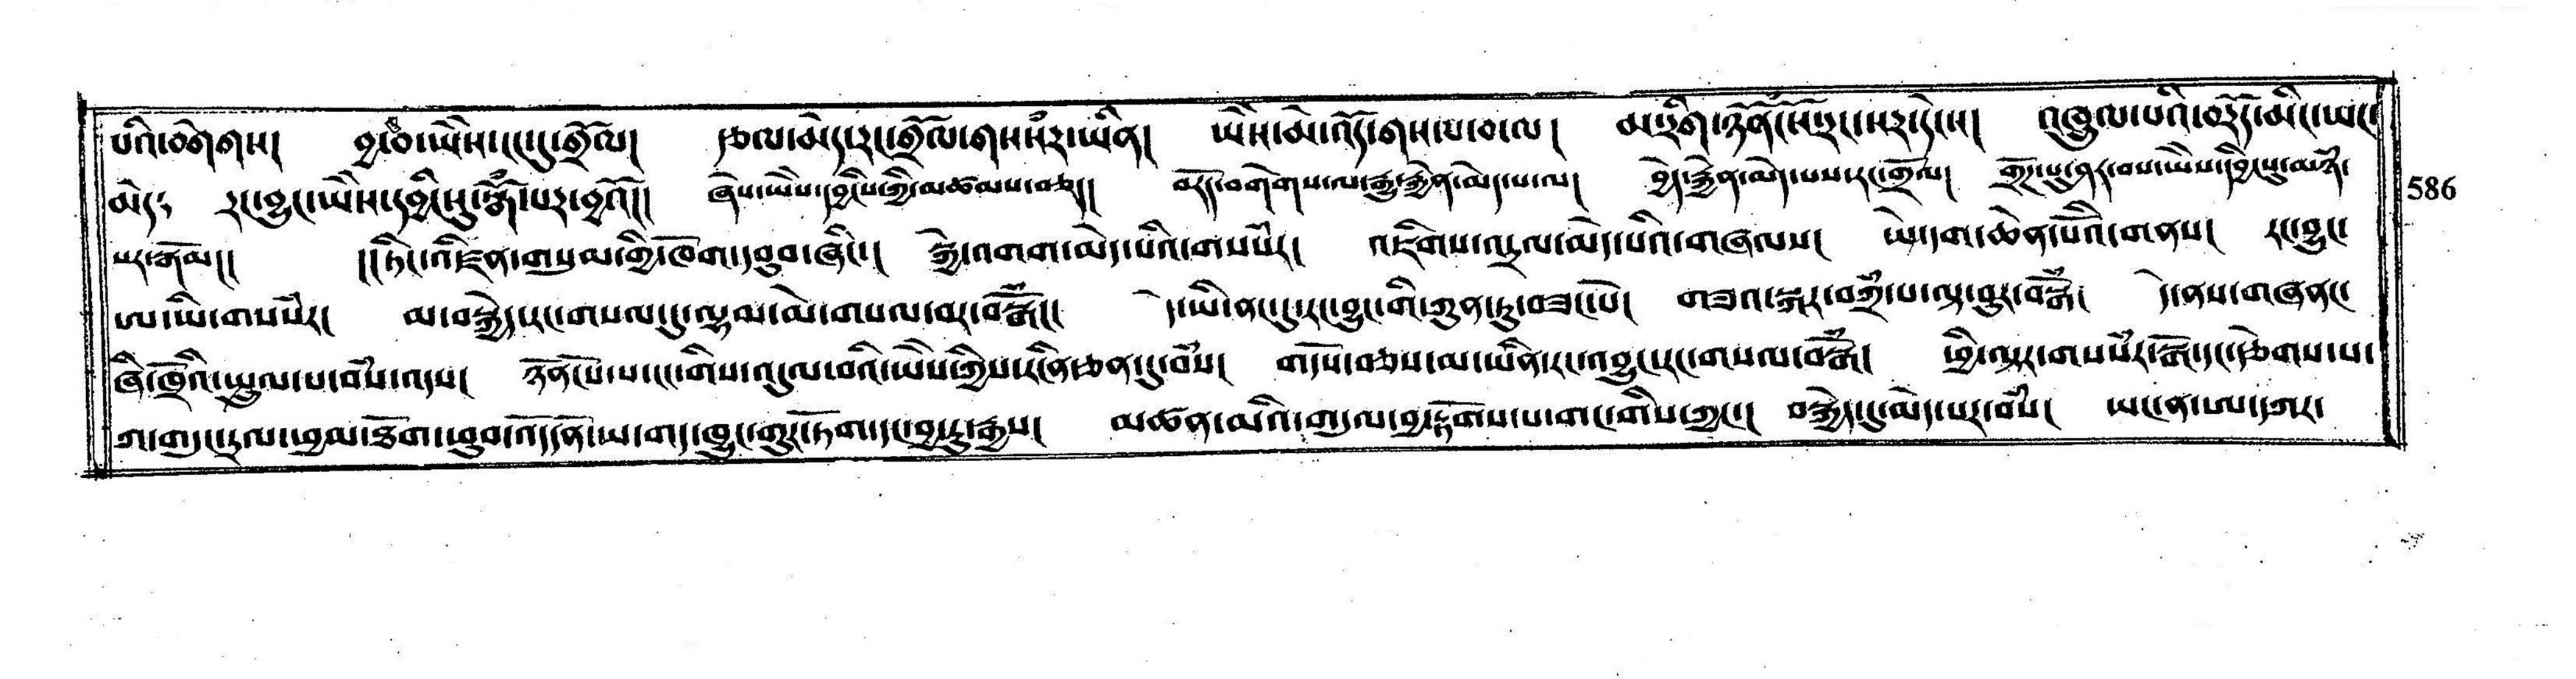པའི་བགེགས། བྱ་གྲུབ་ཡེ་ཤེས་ངང་དུ་གྲོལ། རྩལ་མེད་རང་གྲོལ་གསས་མཁར་ཡིན། ཡེ་ཤེས་མེ་འོད་གསལ་བ་ལ། མ་རིག་ཉོན་མོངས་རང་སར་དེངས། འཁྲུལ་པའི་བར་ཆོད་མིང་ཡང་
མེད། རང་བྱུང་ཡེ་ཤེས་དབྱིངས་སུ་སྒོམ་པར་བྱའོ།། ཞེས་ཡེ་ཤེས་དབྱིངས་ཀྱི་མཚམས་བཅད། བར་ཆོད་བགེགས་རྒྱུ་རྐྱེན་མེད་པ་ལ། བྱེད་རྐྱེན་མེད་པས་རང་གྲོལ། གྲོགས་སུ་ཤར་བས་ཡེ་ཤེས་དབྱིངས་སུ་མཉམ་
པར་སྒོམ།། །།ཏིང་འཛིན་གསུམ་གྱི་ཁོག་དབུབ་ཞིང་། སྐྱེ་འགག་མེད་པའི་གསས་མཁར། འཇིགས་འདྲལ་མེད་པའི་གཞལ་ཡས། ཡེ་དག་ཆེན་པོའི་གནས། རང་བྱུང་
ཨ་ཡི་གསས་མཁར། མ་བསྐྱེད་རང་གསལ་དུ་ལྷམ་མེ་གསལ་བར་བསྒོམ།། དེ་ཡི་ནང་དུ་རང་བྱུང་གི་ཀུན་ཏུ་བཟང་པོ། གཟའ་སྐར་བཀྲམ་པ་ལྟ་བུར་བསྒོམ། དེ་ནས་གཞན་ཡང་
ཞི་ཁྲོའི་སྤྲུལ་པ་བསམ་འདས། ཉོན་མོངས་པ་ངང་གིས་འདུལ་བའི་ཡེ་ཤེས་ཀྱིས་རང་བཞིན་ཅན་དུ་བསམ། གདོས་བཅས་མ་ཡིན་རང་འབྱུང་རང་གསལ་བསྒོམ། ཕྱི་ལྟར་གསས་མཁར་སྒོ་དང་རྩེགས་པ་
ཀ་གདུང་དྲལ་ཕྱམ་ཐོག་ཕུབ་འདོད་ཡོན་ཡ་གད་ཁྱུང་གྱུར་ཏོག་དང་བྱ་རུ་རྒྱས། མཚན་མའི་གདུལ་བྱ་རྟོགས་པ་གང་གིས་ཀྱང་། བསྐྱེད་དུ་མེད་པར་བསམ། ཡང་ན་ཨ་དཀར་